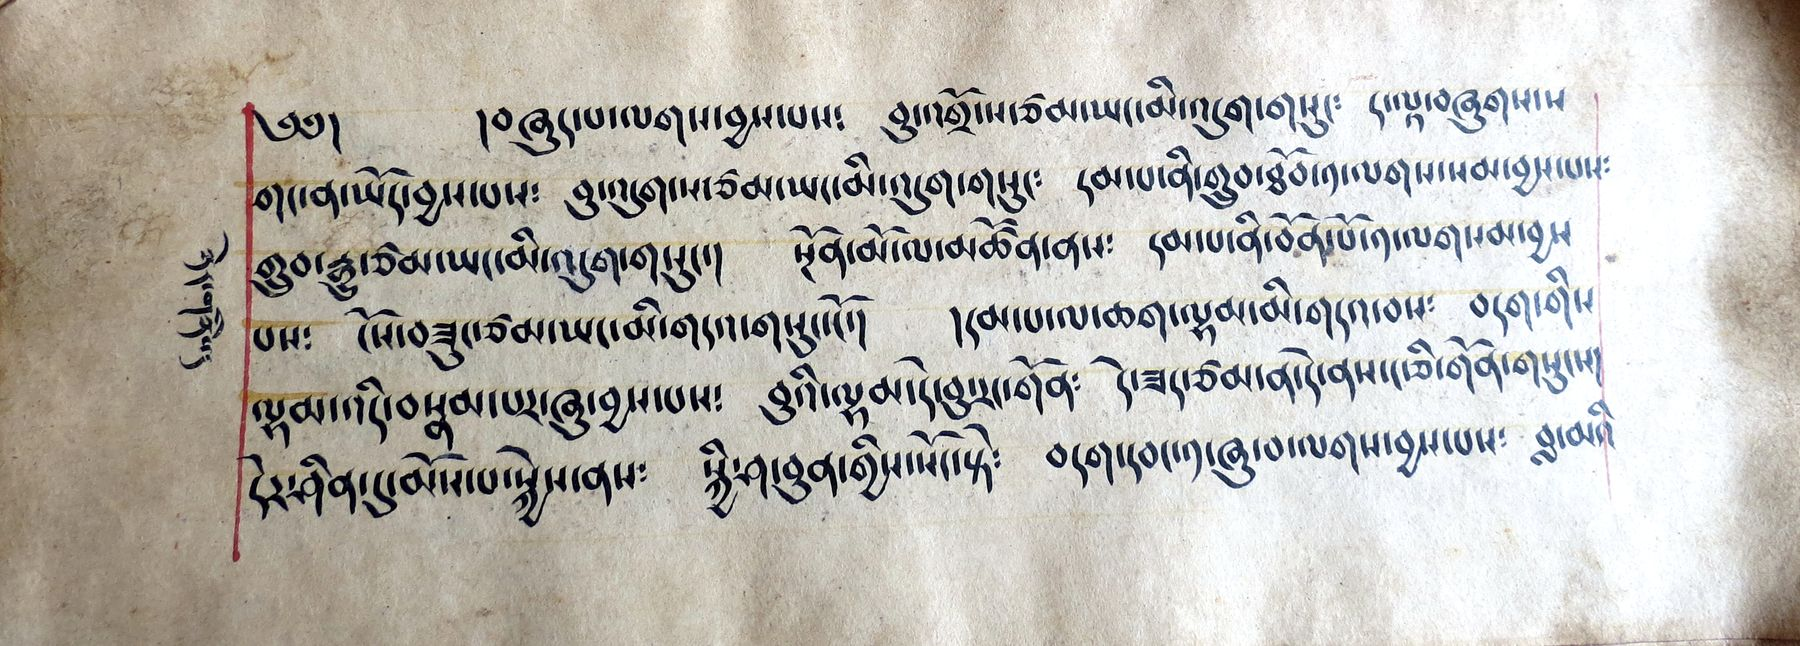བཞུད་པ་ལགས་བྱས་པས། བུ་འགྲོ་ས་ཙམ་ཡང་མི་འདུག་གསུངས། ད་ལྟ་བཞུགས་ས་
གང་ན་ཡོད་བྱས་པས། བུ་འདུག་ས་ཙམ་ཡང་མི་འདུག་གསུངས། དམ་པ་ནི་གྲུབ་ཐོབ་ཅིག་ལགས་སམ་བྱས་པས། 
གྲུབ་རྒྱུ་ཙམ་ཡང་མི་འདུག་གསུངས། སྔོན་མོ་ལ་མཚོན་ནས། དམ་པ་ནི་བོན་པོ་ལགས་སམ་བྱས་
པས། ངོས་བཟུང་ཙམ་ཡང་མི་གདའ་གསུང་ངོ་། །དམ་པ་ལ་ཆག་ལྷམ་མི་གདའ་བས། བདག་གི་
ལྷམ་འདི་མནབས་པར་ཞུ་བྱས་པས། བུའི་ལྷམ་དེ་བུ་རང་གྱོན། དེ་ཟད་ཙམ་ན་དེ་ནས་ང་ཅི་གོན་གསུངས། 
དེར་ཤིན་ཏུ་མོས་པ་སྐྱེས་ནས། སྐྱི་ཤ་བུན་གྱིས་སོང་སྟེ། བདག་དབང་ཞིག་ཞུ་བ་ལགས་བྱས་པས། བླ་མའི་